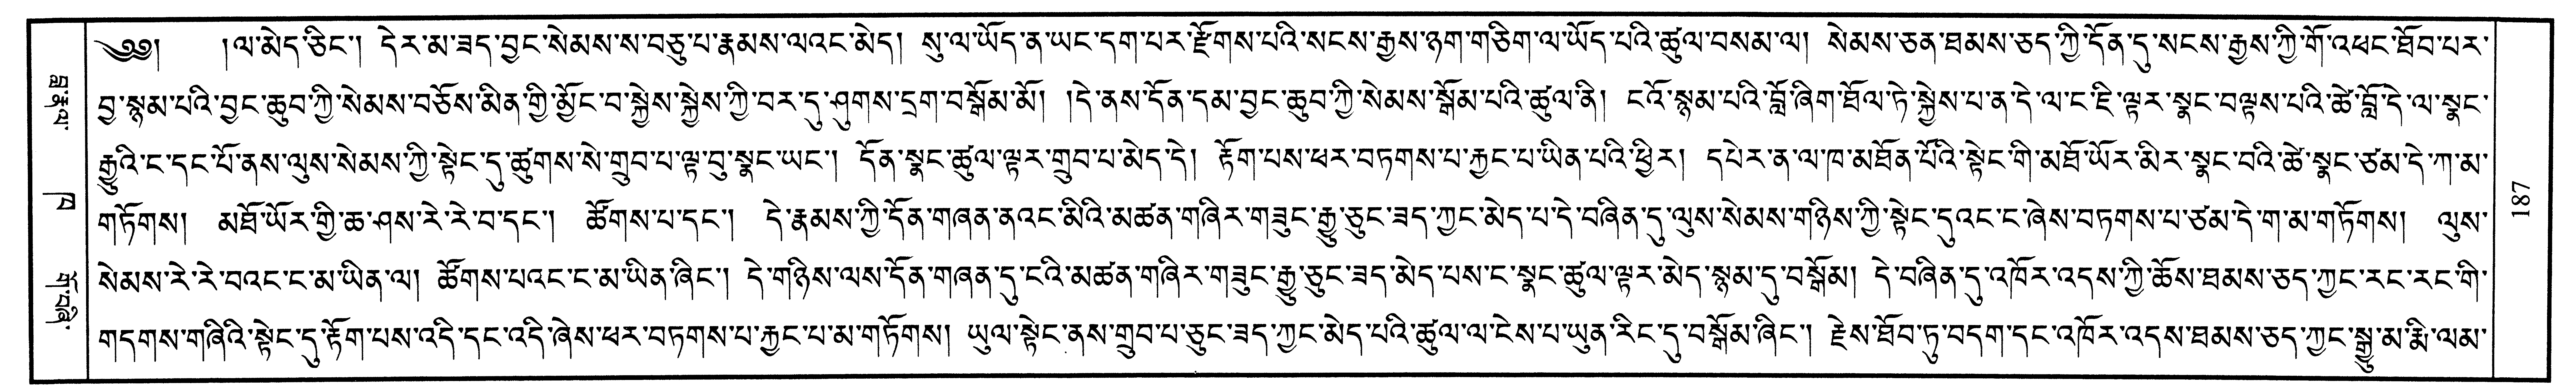༄༅། །ལ་མེད་ཅིང་། དེར་མ་ཟད་བྱང་སེམས་ས་བཅུ་པ་རྣམས་ལའང་མེད། སུ་ལ་ཡོད་ན་ཡང་དག་པར་རྫོགས་པའི་སངས་རྒྱས་ཉག་གཅིག་ལ་ཡོད་པའི་ཚུལ་བསམ་ལ། སེམས་ཅན་ཐམས་ཅད་ཀྱི་དོན་དུ་སངས་རྒྱས་ཀྱི་གོ་འཕང་ཐོབ་པར་
བྱ་སྙམ་པའི་བྱང་ཆུབ་ཀྱི་སེམས་བཅོས་མིན་གྱི་མྱོང་བ་སྐྱེས་སྐྱེས་ཀྱི་བར་དུ་ཤུགས་དྲག་བསྒོམ་མོ། །དེ་ནས་དོན་དམ་བྱང་ཆུབ་ཀྱི་སེམས་སྒོམ་པའི་ཚུལ་ནི། ངའོ་སྙམ་པའི་བློ་ཞིག་ཐོལ་ཏེ་སྐྱེས་པ་ན་དེ་ལ་ང་ཇི་ལྟར་སྣང་བལྟས་པའི་ཚེ་བློ་དེ་ལ་སྣང་
རྒྱུའི་ང་དང་པོ་ནས་ལུས་སེམས་ཀྱི་སྟེང་དུ་ཚུགས་སེ་གྲུབ་པ་ལྟ་བུ་སྣང་ཡང་། དོན་སྣང་ཚུལ་ལྟར་གྲུབ་པ་མེད་དེ། རྟོག་པས་ཕར་བཏགས་པ་རྐྱང་པ་ཡིན་པའི་ཕྱིར། དཔེར་ན་ལ་ཁ་མཐོན་པོའི་སྟེང་གི་མཐོ་ཡོར་མིར་སྣང་བའི་ཚེ་སྣང་ཙམ་དེ་ཀ་མ་
གཏོགས། མཐོ་ཡོར་གྱི་ཆ་ཤས་རེ་རེ་བ་དང་། ཚོགས་པ་དང་། དེ་རྣམས་ཀྱི་དོན་གཞན་ནའང་མིའི་མཚན་གཞིར་གཟུང་རྒྱུ་ཅུང་ཟད་ཀྱང་མེད་པ་དེ་བཞིན་དུ་ལུས་སེམས་གཉིས་ཀྱི་སྟེང་དུའང་ང་ཞེས་བཏགས་པ་ཙམ་དེ་ག་མ་གཏོགས། ལུས་
སེམས་རེ་རེ་བའང་ང་མ་ཡིན་ལ། ཚོགས་པའང་ང་མ་ཡིན་ཞིང་། དེ་གཉིས་ལས་དོན་གཞན་དུ་ངའི་མཚན་གཞིར་གཟུང་རྒྱུ་ཅུང་ཟད་མེད་པས་ང་སྣང་ཚུལ་ལྟར་མེད་སྙམ་དུ་བསྒོམ། དེ་བཞིན་དུ་འཁོར་འདས་ཀྱི་ཆོས་ཐམས་ཅད་ཀྱང་རང་རང་གི་
གདགས་གཞིའི་སྟེང་དུ་རྟོག་པས་འདི་དང་འདི་ཞེས་ཕར་བཏགས་པ་རྐྱང་པ་མ་གཏོགས། ཡུལ་སྟེང་ནས་གྲུབ་པ་ཅུང་ཟད་ཀྱང་མེད་པའི་ཚུལ་ལ་ངེས་པ་ཡུན་རིང་དུ་བསྒོམ་ཞིང་། རྗེས་ཐོབ་ཏུ་བདག་དང་འཁོར་འདས་ཐམས་ཅད་ཀྱང་སྒྱུ་མ་རྨི་ལམ་